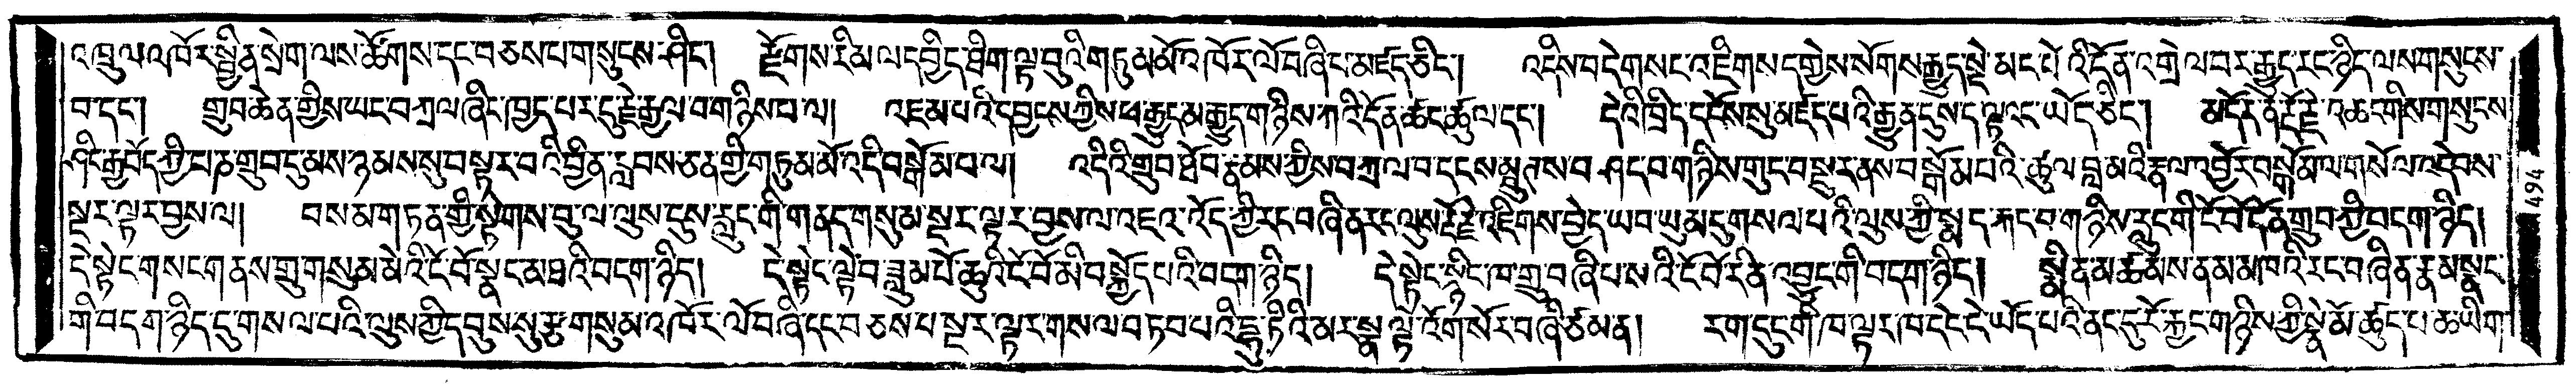འཁྲུལ་འཁོར་སྦྱིན་སྲེག་ལས་ཚོགས་དང་བཅས་པ་གསུངས་ཤིང་། རྫོགས་རིམ་ལ་དབྱིད་ཐིག་ལྟ་བུའི་གཏུམ་མོ་འཁོར་ལོ་བཞིང་མཛད་ཅིང་། འདིས་བདེ་གསང་འཇིགས་དགྱེས་སོགས་རྒྱུད་སྡེ་མང་པོའི་དོན་འགྲེལ་བར་རྒྱུད་རང་ཉིད་ལས་གསུངས་
བ་དང་། གྲུབ་ཆེན་གྱིས་ཡང་བཀྲལ་ཞིང་ཁྱད་པར་དུ་རྗེ་རྒྱལ་བ་གཉིས་པ་ལ། འཇམ་པའི་དབྱངས་ཀྱིས་ཕ་རྒྱུད་མ་རྒྱུད་གཉིས་ཀའི་དོན་ཚང་ཚུལ་དང་། དེའི་ཁྲིད་དངོས་སུ་མཛད་པའི་རྒྱུན་དུས་ད་ལྟའང་ཡོད་ཅིང་། མདོར་ན་རྡོ་རྗེ་འཆང་གིས་གསུངས་
ཤིང་རྒྱ་བོད་ཀྱི་པཎ་གྲུབ་དུ་མས་ཉམས་སུ་བསྟར་བའི་བྱིན་རླབས་ཅན་གྱི་གཏུམ་མོ་འདི་བསྒོམ་པ་ལ། འདིའི་གྲུབ་ཐོབ་རྣམས་ཀྱིས་བཀྲལ་བ་དང་སམྦུཊས་བཤད་པ་གཉིས་གུང་བསྡུར་ནས་བསྒོམ་པའི་ཚུལ་བླ་མའི་རྣལ་འབྱོར་བསྒོམ་ལ་གསོལ་འདེབས་
སྔར་ལྟར་བྱས་ལ། བསམ་གཏན་གྱི་སྟེགས་བུ་ལ་ལུས་དུས་རླུང་གི་གནད་གསུམ་སྔར་ལྟར་བྱས་ལ་འཇའ་འོད་ཀྱི་རང་བཞིན་རང་ལུས་རྡོ་རྗེ་འཇིགས་བྱེད་ཡབ་ཡུམ་དུ་གསལ་པའི་ལུས་ཀྱི་སྨད་རྐང་པ་གཉིས་རླུང་གི་ངོ་བོ་དོན་གྲུབ་ཀྱི་བདག་ཉིད།
དེ་སྟེང་གསང་གནས་གྲུ་གསུམ་མེའི་ངོ་བོ་སྣང་མཐའི་བདག་ཉིད། དེ་སྟེང་ལྟེ་བ་ཟླུམ་པོ་ཆུའི་ངོ་བོ་མི་བསྐྱོད་པའི་བདག་ཉིད། དེ་སྟེང་སྙིང་ཁ་གྲུ་བཞི་པ་སའི་ངོ་བོར་ནི་འབྱུང་གི་བདག་ཉིད། སྨིན་མཚམས་ནམ་མཁའི་རང་བཞིན་རྣམ་སྣང་
གི་བདག་ཉིད་དུ་གསལ་པའི་ལུས་ཀྱི་དབུས་སུ་རྩ་གསུམ་འཁོར་ལོ་བཞི་དང་བཅས་པ་སྔར་ལྟར་གསལ་བཏབ་པའི་དྷུ་ཏིའི་མར་སྣ་ལྟ་འོག་སོར་བཞི་ཙམ་ན། རག་དུང་གི་ཁ་ལྟར་ཁ་དེང་དེ་ཡོད་པའི་ནང་དུ་རོ་རྐྱང་གཉིས་ཀྱི་སྣེ་མོ་ཚུད་པ་ཆ་ཡིག་